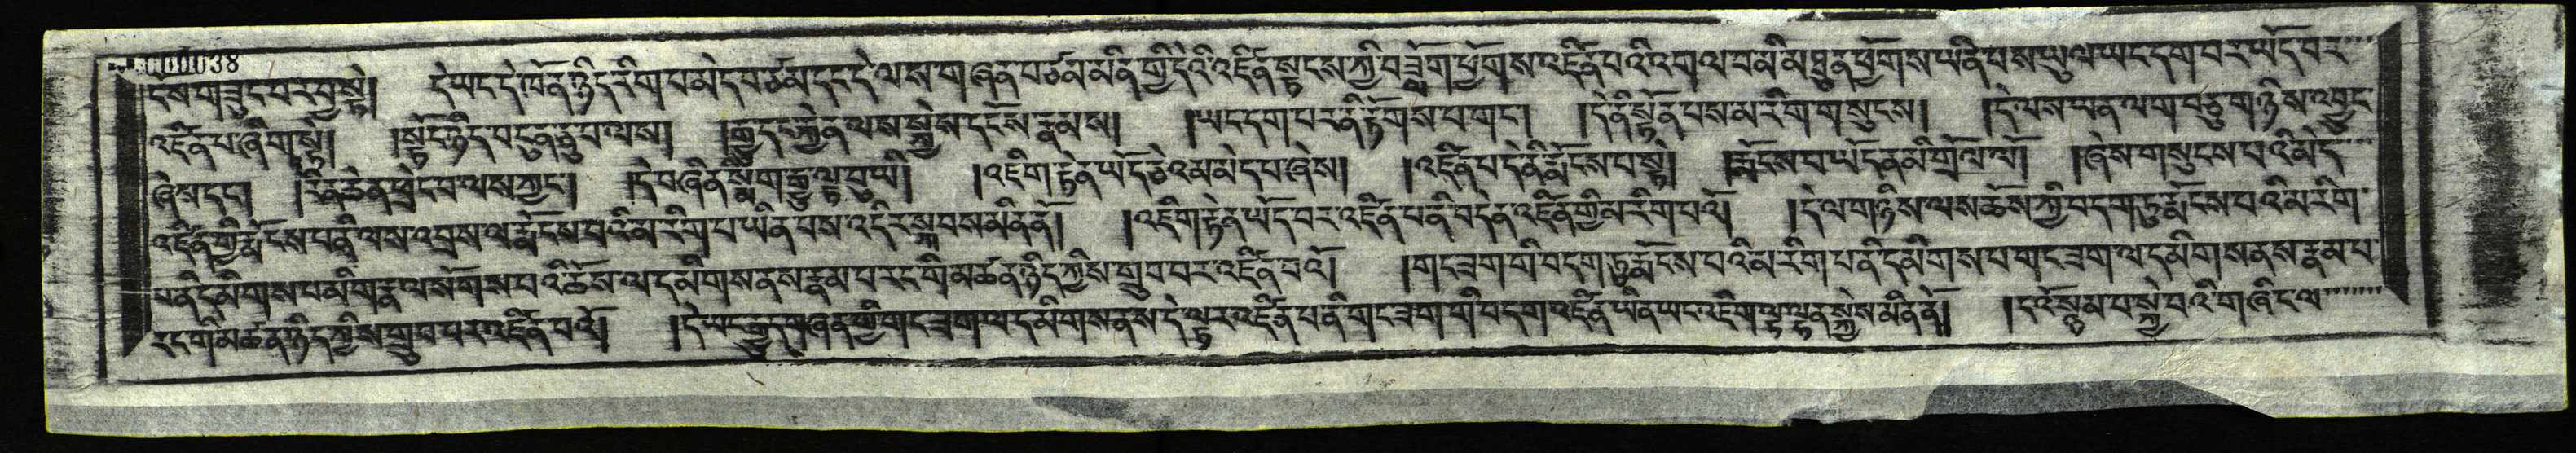ངོས་གཟུང་བར་བྱ་སྟེ། དེ་ཡང་དེ་ཁོ་ན་ཉིད་རིག་པ་མེད་པ་ཙམ་དང་དེ་ལས་གཞན་པ་ཙམ་མིན་གྱི་དེའི་འཛིན་སྟངས་ཀྱི་བཟློག་ཕྱོགས་འཛིན་པའི་འགལ་བ་མི་མཐུན་ཕྱོགས་ཡིན་པས་ཡུལ་ཡང་དག་བར་ཡོད་བར་
འཛིན་པ་ཞིག་སྟེ། །སྟོང་ཉིད་བདུན་ཅུ་པ་ལས། །རྒྱུ་དང་རྐྱེན་ལས་སྐྱེས་དངོས་རྣམས། །ཡང་དག་པར་ནི་རྟོགས་པ་གང་། །དེ་ནི་སྟོན་པས་མ་རིག་གསུངས། །དེ་ལས་ཡན་ལག་བཅུ་གཉིས་འབྱུང་
ཞེས་དང་། །རིན་ཆེན་ཕྲེང་བ་ལས་ཀྱང་། །དེ་བཞིན་སྨིག་རྒྱུ་ལྟ་བུ་ཡི། །འཇིག་རྟེན་ཡོད་ཅེའམ་མེད་པ་ཞེས། །འཛིན་པ་དེ་ནི་རྨོངས་པ་སྟེ། །རྨོངས་པ་ཡོད་ན་མི་གྲོལ་ལོ། །ཞེས་གསུངས་པའི་མེད་
འཛིན་གྱི་རྨོངས་པ་ནི་ལས་འབྲས་ལ་རྨོངས་པའི་མ་རིག་པ་ཡིན་པ་འདིར་སྐབས་མིན་ནོ། །འཇིག་རྟེན་ཡོད་བར་འཛིན་པ་ནི་བདེན་འཛིན་གྱི་མ་རིག་པའོ། །དེ་ལ་གཉིས་ལས་ཆོས་ཀྱི་བདག་ཏུ་རྨོངས་པའི་མ་རིག་
པ་ནི་དམིགས་པ་མིག་རྣ་ལ་སོགས་པའི་ཆོས་ལ་དམིགས་ནས་རྣམ་པ་རང་གི་མཚན་ཉིད་ཀྱིས་གྲུབ་བར་འཛིན་པའོ། །གང་ཟག་གི་བདག་ཏུ་རྨོངས་པའི་མ་རིག་པ་ནི་དམིགས་པ་གང་ཟག་ལ་དམིགས་ནས་རྣམ་པ་
རང་གི་མཚན་ཉིད་ཀྱིས་གྲུབ་པར་འཛིན་བའོ། །དེ་ཡང་རྒྱུད་གཞན་གྱི་གང་ཟག་ལ་དམིགས་ནས་དེ་ལྟར་འཛིན་པ་ནི་གང་ཟག་གི་བདག་འཛིན་ཡིན་ཡང་འཇིག་ལྟ་ལྷན་སྐྱེས་མིན་ནོ། །ངའོ་སྙམ་པ་སྐྱེ་བའི་གཞིང་ལ་